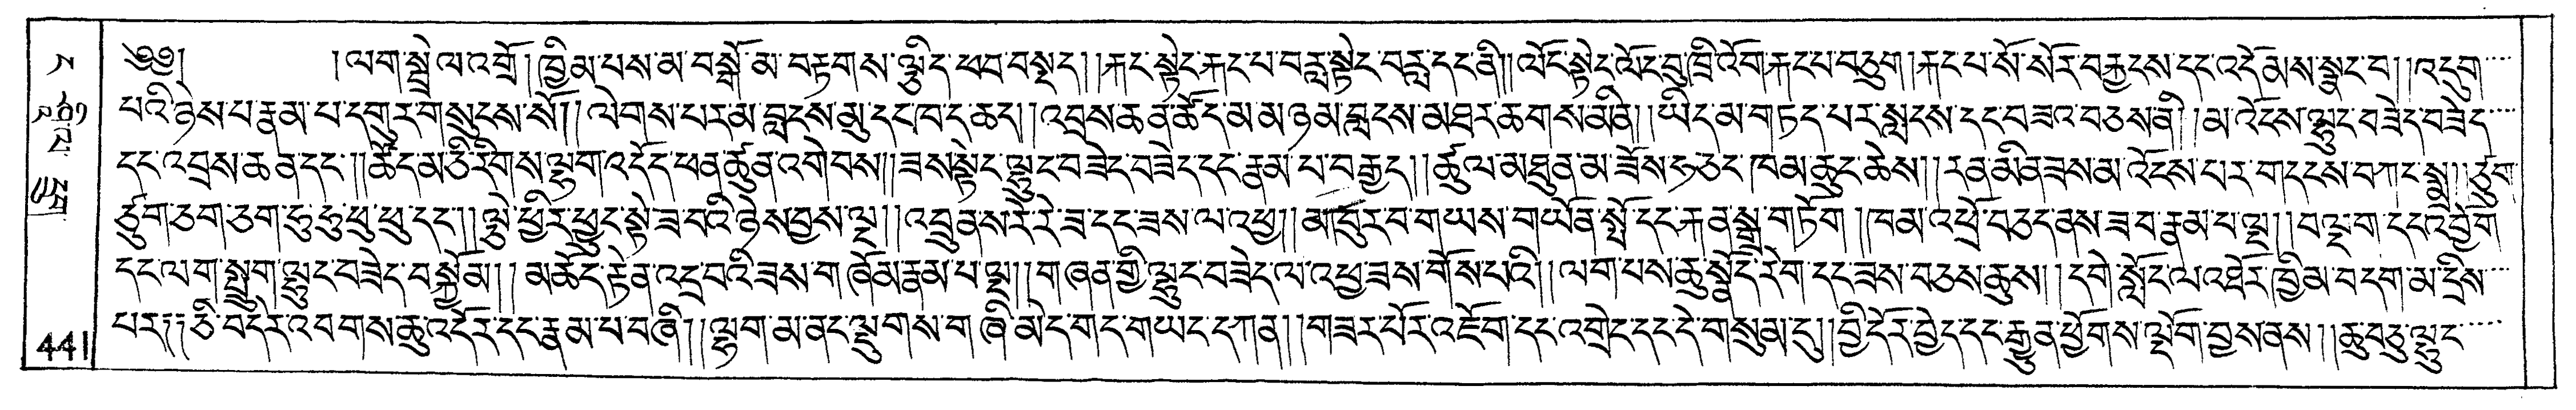༄༅། །ལག་སྦྲེལ་འགྲོ་།ཁྱིམ་པས་མ་བསྒོ་མ་བརྟགས་ལྕིད་ཕབ་བསྡད། །རྐང་སྟེང་རྐང་པ་བརླ་སྟེང་བརླ་དང་ནི། །ལོང་སྟེང་ལོང་བུ་ཁྲི་འོག་རྐང་པ་བཅུག །རྐང་པ་སོ་སོར་བརྐྱངས་དང་འདོམས་སྣང་བ། །འདུག་
པའི་ཉེས་པ་རྣམ་པ་དགུར་གསུངས་སོ། །ལེགས་པར་མ་བླངས་མུ་དང་ཁ་ད་ཆད། །འབྲས་ཆན་ཚོད་མ་མཉམ་བླངས་མཐར་ཆགས་མིན། །ཡིད་མ་གཏད་པར་སླངས་དང་བཟའ་བཅས་ནི། །མ་འོངས་ལྷུང་བཟེད་བཟེད་
དང་འབྲས་ཆན་དང་། །ཚོད་མ་ཅི་རིགས་ལྷག་འདོད་ཕན་ཚུན་འགེབས། །ཟས་སྟེང་ལྷུང་བཟེད་བཟེད་དང་རྣམ་པ་བརྒྱད། །ཚུལ་མཐུན་མ་ཟོས་ཧ་ཅང་ཁམ་ཆུང་ཆེས། །རན་མིན་ཟས་མ་འོངས་པར་གདངས་བཀང་སྨྲ། །ཙུག་
ཙུག་ཅག་ཅག་ཧུ་ཧུ་ཕུ་ཕུ་དང་། །ལྕེ་ཕྱིར་ཕྱུང་སྟེ་ཟ་བའི་ཉེས་བྱས་ལྔ། །འབྲུན་ས་རེ་རེ་ཟ་དང་ཟས་ལ་འཕྱ། །མཁུར་བ་གཡས་གཡོན་སྤོ་དང་རྐན་སྒྲ་གཏོག །ཁམ་འཕྲོ་བཅད་ནས་ཟ་བ་རྣམ་པ་ལྔ། །བླྔག་དང་འབྱོག་
དང་ལག་སྤྲུག་ལྷུང་བཟེད་བསྐྱོམ། །མཆོད་རྟེན་འདྲ་བའི་ཟས་གཞོམ་རྣམ་པ་ལྔ། །གཞན་གྱི་ལྷུང་བཟེད་ལ་འཕྱ་ཟས་གོས་པའི། །ལག་པས་ཆུ་སྣོད་རེག་དང་ཟས་བཅས་ཆུས། །དགེ་སློང་ལ་འཐོར་ཁྱིམ་བདག་མ་དྲིས་
པར༑ ༑ཅི་བདེར་འབགས་ཆུ་འདོར་དང་རྣམ་པ་བཞི། །ལྷག་མ་ནང་ལྡུགས་གཞི་མེད་གད་གཡང་དཀན། །གཟར་པོར་འཇོག་དང་འགྲེང་དང་དེ་གསུམ་དུ། །བྱི་དོར་བྱེད་དང་རྒྱུན་ཕྱོགས་ལྡོག་བྱས་ནས། །ཆུ་བཅུ་ལྷུང་